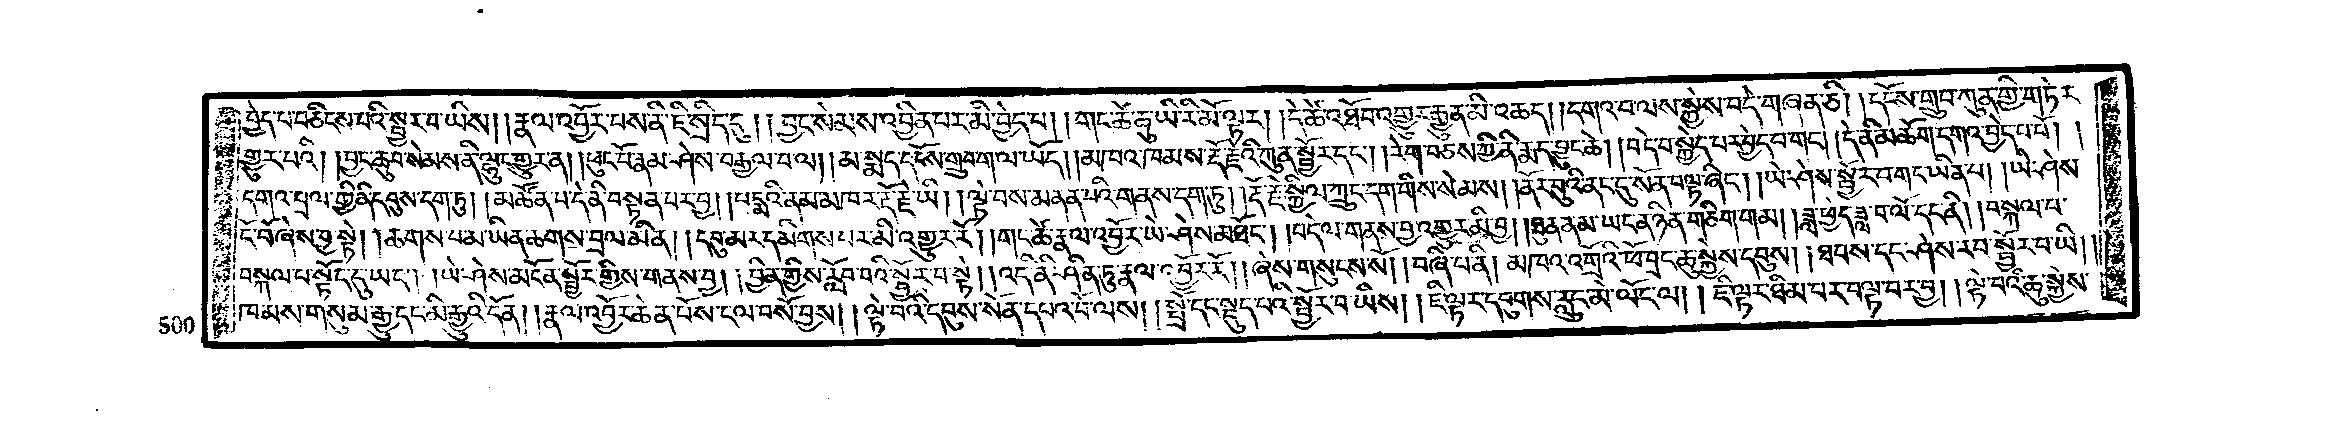བྱེད་པ་བཅིངས་པའི་སྦྱར་བ་ཡིས། །རྣལ་འབྱོར་པས་ནི་ཇི་སྲིད་དུ། །བྱང་སེམས་འབྱིན་པར་མི་བྱེད་པ། །གང་ཚེ་ཆུ་ཡི་རི་མོ་ལྟར། །དེ་ཚེ་འཐོབ་འགྱུར་རྒྱུན་མི་འཆད། །དགའ་བ་ལས་སྐྱེས་བདེ་གཞན་ཅི། །དངོས་གྲུབ་ཀུན་གྱི་གཏེར་
གྱུར་པའི། །བྱང་ཆུབ་སེམས་ནི་ལྷུང་གྱུར་ན། །ཕུང་པོ་རྣམ་ཤེས་བརྒྱལ་བ་ལ། །མ་སྨད་དངོས་གྲུབ་ག་ལ་ཡོད། །མཁའ་ཁམས་རྡོ་རྗེའི་ཀུན་སྦྱོར་དང་། །རེག་བཅས་ཀྱི་ནི་རྨད་བྱུང་ཆེ། །བདེ་བ་སྐྱེད་པར་བྱེད་པ་གང་། །དེ་ནི་མཆོག་དགའ་བྱེད་པ་པོ། །
དགའ་བྲལ་གྱི་ནི་དབུས་དག་ཏུ། །མཚོན་པ་དེ་ནི་བསྟན་པར་བྱ། །པདམའི་ནམ་མཁར་རྡོ་རྗེ་ཡི། །ལྟེ་བས་མནན་པའི་གནས་དག་ཏུ། །རྡོ་རྗེ་སྐྱིལ་ཀྲུང་དག་གིས་སེམས། །ནོར་བུའི་ནང་དུ་སོན་བལྟ་ཞིང་། །ཡེ་ཤེས་སྦྱོར་བ་གང་ཡིན་པ། །ཡེ་ཤེས་
ངོ་བོ་ཞེས་བྱ་སྟེ། །ཆགས་པ་མ་ཡིན་ཆགས་བྲལ་མིན། །དབུ་མར་དམིགས་པར་མི་འགྱུར་རོ། །གང་ཚེ་རྣལ་འབྱོར་ཡེ་ཤེས་མཐོང་། །བདེ་ལ་གནས་བྱ་འགྱུར་མི་བྱ། །ཐུན་ནམ་ཡང་ན་ཉིན་གཅིག་གམ། །ཟླ་ཕྱེད་ཟླ་བ་ལོ་དང་ནི། །བསྐལ་པ་
བསྐལ་པ་སྟོང་དུ་ཡང་། །ཡེ་ཤེས་མངོན་སྦྱོར་གྱིས་གནས་བྱ། །བྱིན་གྱིས་རློབ་པའི་སྦྱོར་བ་སྟེ། །འདི་ནི་ཤིན་ཏུ་རྣལ་འབྱོར་རོ། །ཞེས་གསུངས་སོ། །བཞི་པ་ནི། མཁའ་འགྲོའི་ཕོ་བྲང་ཆུ་སྐྱེས་དབུས། །ཐབས་དང་ཤེས་རབ་སྦྱོར་བ་ཡི། །
ཁམས་གསུམ་རྒྱུ་དང་མི་རྒྱུའི་དོན། །རྣལ་འབྱོར་ཆེན་པོས་ངལ་བསོ་བྱས། །ལྟེ་བའི་དབུས་སོན་དཔའ་བོ་ལས། །སྤྲོ་དང་སྡུད་པའི་སྦྱོར་བ་ཡིས། །ཇི་ལྟར་དབུགས་རླུང་མེ་ལོང་ལ། །ཇི་ལྟར་ཐིམ་པར་བལྟ་བར་བྱ། །ལྟེ་བའི་ཆུ་སྐྱེས་